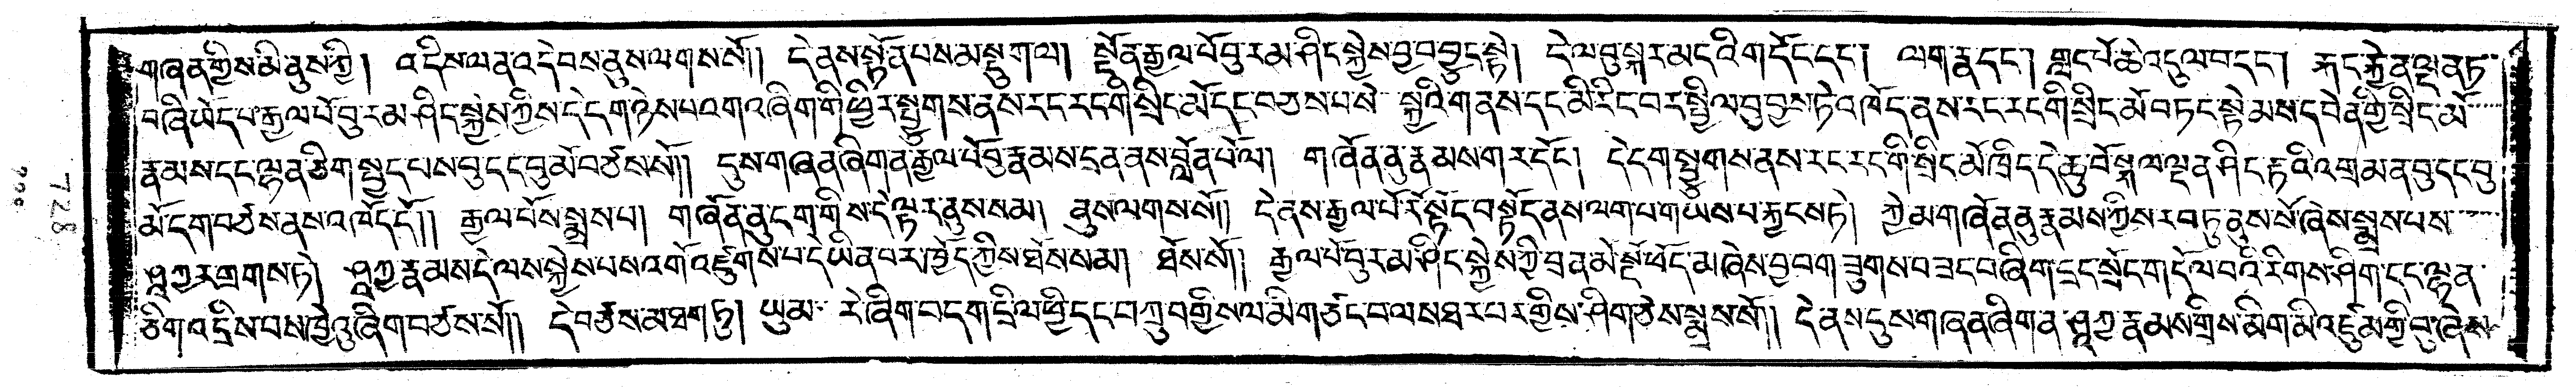གཞན་གྱིས་མི་ནུས་ཀྱི། འདིས་ལན་འདེབས་ནུས་ལགས་སོ། །དེ་ནས་སྟོན་པས་མ་སྡུག་ལ། སྔོན་རྒྱལ་པོ་བུ་རམ་ཤིང་སྐྱེས་བྱ་བ་བྱུང་སྟེ། དེ་ལ་བུ་སྐར་མདའི་གདོང་དང་། ལག་རྣ་དང་། གླང་པོ་ཆེ་འདུལ་བ་དང་། རྐང་རྐྱེན་ལྡན་ཏ་
བཞི་ཡོད་པ་རྒྱལ་པོ་བུ་རམ་ཤིང་སྐྱེས་ཀྱིས་དེ་དག་ཉེས་པ་འགའ་ཞིག་གི་ཕྱིར་སྤྱུགས་ནས་རང་རང་གི་སྲིད་མོ་དང་བཅས་པ་སེ་སྐྱའི་གནས་དང་མི་རིང་བར་སྤྱིལ་བུ་བྱས་ཏེ་འཁོད་ནས་རང་རང་གི་སྲིང་མོ་བཏང་སྟེ་མས་དབེན་གྱི་སྲིང་མོ་
རྣམས་དང་ལྷན་ཅིག་སྤྱད་པས་བུ་དང་བུ་མོ་བཙས་སོ། །དུས་གཞན་ཞིག་ན་རྒྱལ་པོ་བུ་རྣམས་དྲན་ནས་བློན་པོ་ལ། གཞོན་ནུ་རྣམས་གར་དོང་། དེ་དག་སྤྱུགས་ནས་རང་རང་གི་སྲིང་མོ་ཁྲིད་དེ་ཆུ་བོ་སྐལ་ལྡན་ཤིང་རྟའི་འགྲམ་ན་བུ་དང་བུ་
མོ་དག་བཙས་ནས་འཁོད་དོ། །རྒྱལ་པོས་སྨྲས་པ། གཞོན་ནུ་ངག་གིས་དེ་ལྟར་ནུས་སམ། ནུས་ལགས་སོ། །དེ་ནས་རྒྱལ་པོ་རོ་སྟོང་བསྟོད་ནས་ལག་པ་གཡས་པ་རྐྱངས་ཏེ། ཀྱེ་མ་གཞོན་ནུ་རྣམས་ཀྱིས་རབ་ཏུ་ནུས་སོ་ཞེས་སྨྲས་པས་
ཤཱཀྱར་གྲགས་ཏེ། ཤཱཀྱ་རྣམས་དེ་ལས་སྐྱེས་པས་འགོ་འཛུགས་པ་དེ་ཡིན་པར་ཁྱོད་ཀྱིས་ཐོས་སམ། ཐོས་སོ། །རྒྱལ་པོ་བུ་རམ་ཤིང་སྐྱེས་ཀྱི་བྲན་མོ་སྡོ་ཕོད་མ་ཞེས་བྱ་བ་གཟུགས་བཟང་བཞིག་དྲང་སྲོང་གདོལ་བའི་རིགས་ཤིག་དང་ལྷན་
ཅིག་འདྲིས་བས་ཁྱེའུ་ཞིག་བཙས་སོ། །དེ་བཙས་མ་ཐག་ཏུ། ཡུམ༑ རེ་ཞིག་བདག་དྲིལ་ཕྱི་དང་བཀྲུ་བགྱིས་ལ་མི་གཙང་བ་ལས་ཐར་པར་གྱིས་ཤིག་ཅེས་སྨྲས་སོ། །དེ་ནས་དུས་གཞན་ཞིག་ན་ཤཱཀྱ་རྣམས་གྲིས་མིག་མི་འཛུམ་གྱི་བུ་ཞེས་